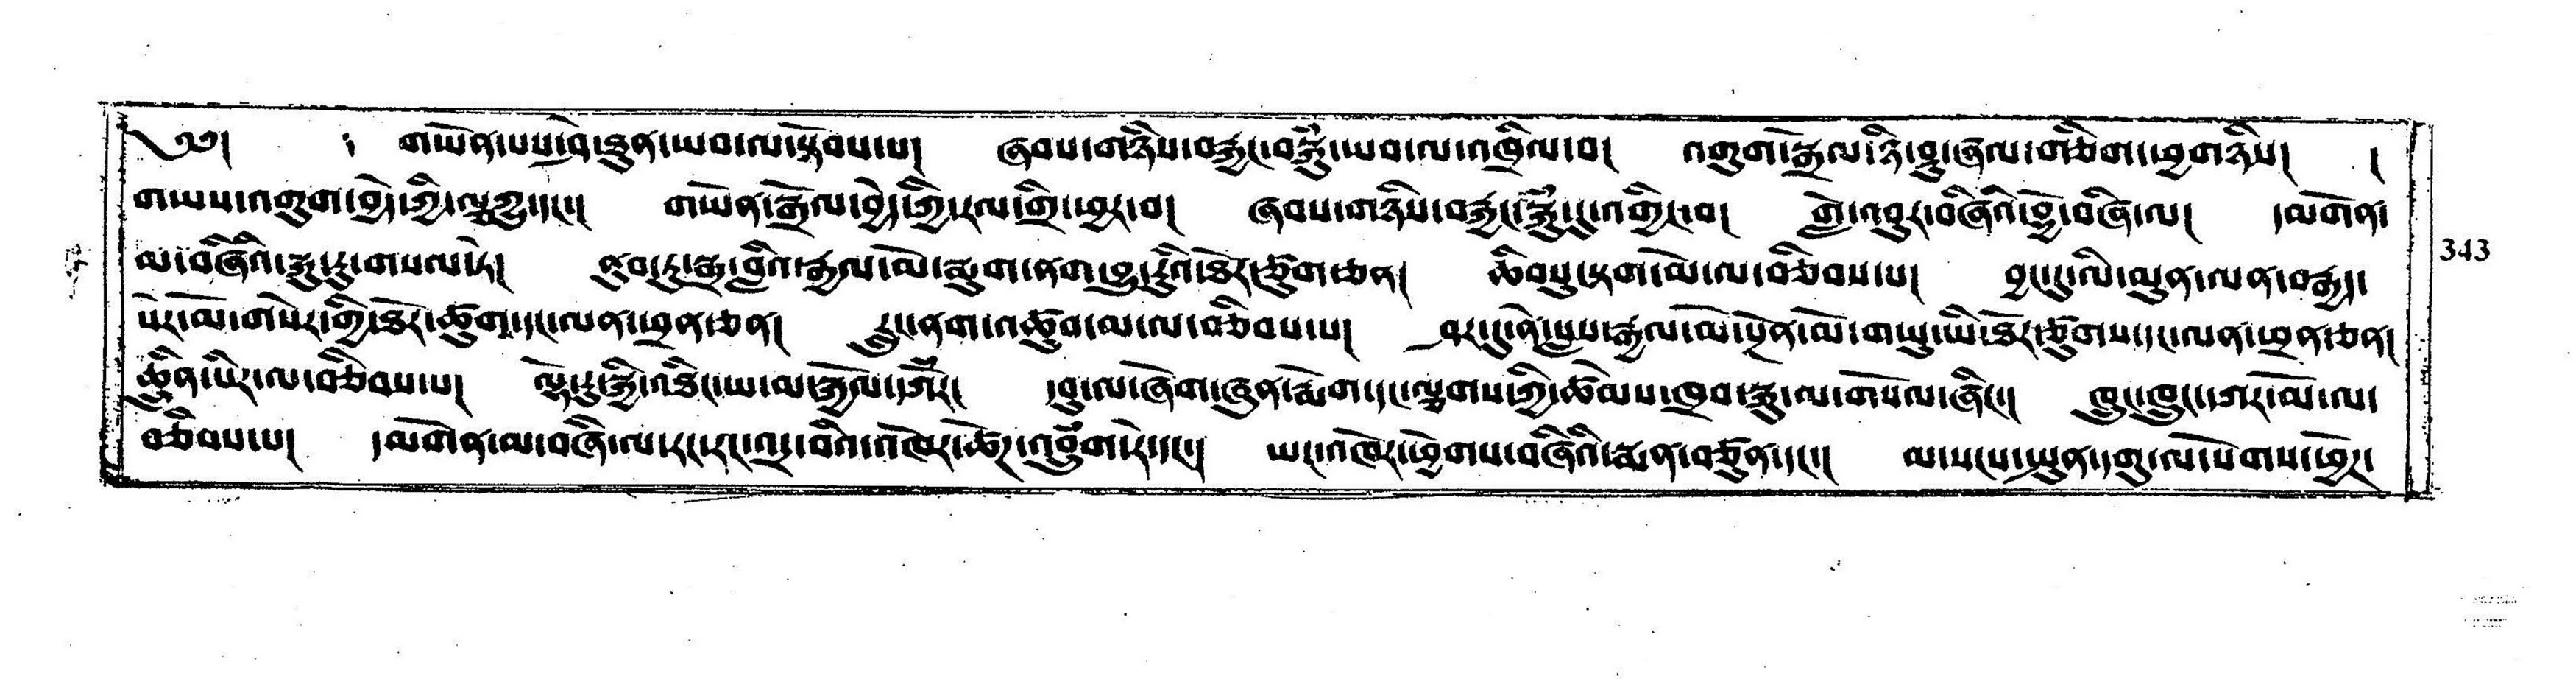གཡོན་པས་ཤེ་ཐུན་ཡབ་ལ་སྟོབས་པ། ཞབས་གཉིས་བརྐྱང་བསྐུམ་ཡབ་ལ་འཁྲིལ་བ། འགུག་སྒྲོལ་ཉི་ཤུ་ཞལ་གཅིག་ཕྱག་གཉིས། 
གཡས་འགུག་བྱེད་ཀྱི་ལྕག་ཀྱུ་དང་། གཡོན་སྒྲོལ་བྱེད་ཀྱི་རལ་གྲི་ཕྱར་བ། ཞབས་གཉིས་བརྐྱང་སྐུམ་དུ་འགྱིང་བ། གློ་འབུར་བཞིའི་བྷྱོ་བཞི་ལ། དམག་དཔོན་
མ་བཞིའི་སྐུ་རུ་གསལ་ཏེ། ནུབ་ཏུ་སྒྲ་བླའི་རྒྱལ་མོ་སྨུག་ནག་བྱུ་རུའི་ཐོར་ཙུག་ཅན། ཆིབས་སུ་སྟག་མེ་ལ་བཅིབས་པ། བྱང་དུ་ལི་མུན་ལན་བརྒྱད་
སེར་མོ་གསེར་གྱི་ཐོར་ཚུག་དང་ལན་ཕྲན་ཅན། རླུང་ནག་འཚུབ་མ་ལ་བཅིབས་པ། ཤར་དུ་ནེ་སླས་རྒྱལ་མོ་སྔོན་མོ་གཡུ་ཡི་ཐོར་ཙུགས་དང་ལན་ཕྲན་ཅན། 
ཆུ་སྲིན་པིར་ལ་བཅིབས་པ། ལྷོ་རུ་སྐྱི་འཐིང་ཡ་མ་སྐྱོལ་དཀར་མོ། དབུ་ལ་ཞོག་ཞུན་རྨོག་དང་ལྕགས་ཀྱི་ཚེམས་ཁྲབ་སྐུ་ལ་གསོལ་ཞིང་། ཁྲུང་ཁྲུང་དཀར་མོ་ལ་
བཅིབས་པ། དམག་དཔོན་མ་བཞི་ལ་རང་རང་འདྲ་བའི་འཁོར་ཚོགས་འབུམ་ཕྲག་རེ་དང་། ཡང་འཁོར་ཕྱོགས་བཞིའི་སྨན་བཙུན་དང་། མ་སངས་སྤུན་དགུ་ལ་སོགས་ཕྱོགས་